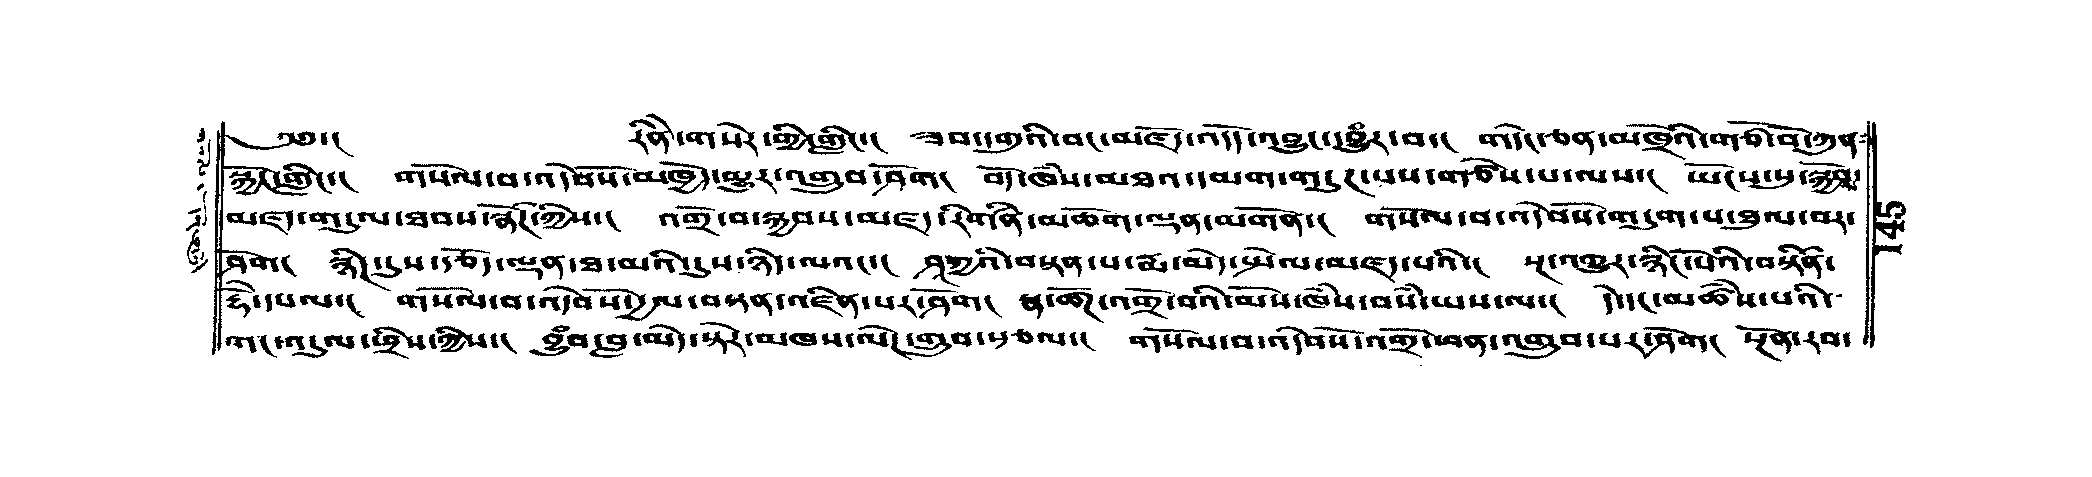རིན་ཆེན་གསེར་གྱི་གླིང་། །ཟབ་དགུའི་བང་མཛོད་འདོད་འབྱུང་དབང་བསྐུར་བ། །གདེང་ཅན་མཁའ་འགྲོའི་གཙོ་བོ་ཀུན་
སྐྱོང་གླིང་། །གསོལ་བ་འདེབས་སོ་མཁའ་སྤྱོད་མྱུར་འགྲུབ་ཤོག།བོད་ཁམས་མཐའ་དམག་གདུག་པས་གཙེས་པ་ལས། །ཡོངས་སུ་སྐྱོབས་
མཛད་གདུལ་ཐབས་སྣ་ཚོགས་ཀྱིས། །འགྲོ་བ་སྐྱབས་མཛད་རིག་འཛིན་མཆོག་ལྡན་མགོན། །གསོལ་བ་འདེབས་སོ་གདུག་པ་ཐུལ་བར་
ཤོག །སྙིགས་དུས་རྩོད་ལྡན་ཐ་མའི་དུས་ཉིད་ལའང་། །ཤཱཀྱའི་བསྟན་པ་རྨ་མེད་སྤེལ་མཛད་པའི། །སྔ་འགྱུར་སྙིང་པོའི་བསྟན་འཛིན་
རྡོ་རྗེ་དཔལ། །གསོལ་བ་འདེབས་སོ་རྒྱལ་བསྟན་འཛིན་པར་ཤོག །སྣ་ཚོགས་འགྲོ་བའི་མོས་ཁམས་བསམ་ཡས་ལ། །དེ་དང་མཚམས་པའི་
གང་འདུལ་ཕྲིན་ལས་ཀྱིས། །བྱང་ཆུབ་བླ་མེད་སྟེར་མཁས་ལེགས་གྲུབ་སྩོལ། །གསོལ་བ་འདེབས་སོ་འགྲོ་ཕན་འགྲུབ་པར་ཤོག །སྔོན་རབས་